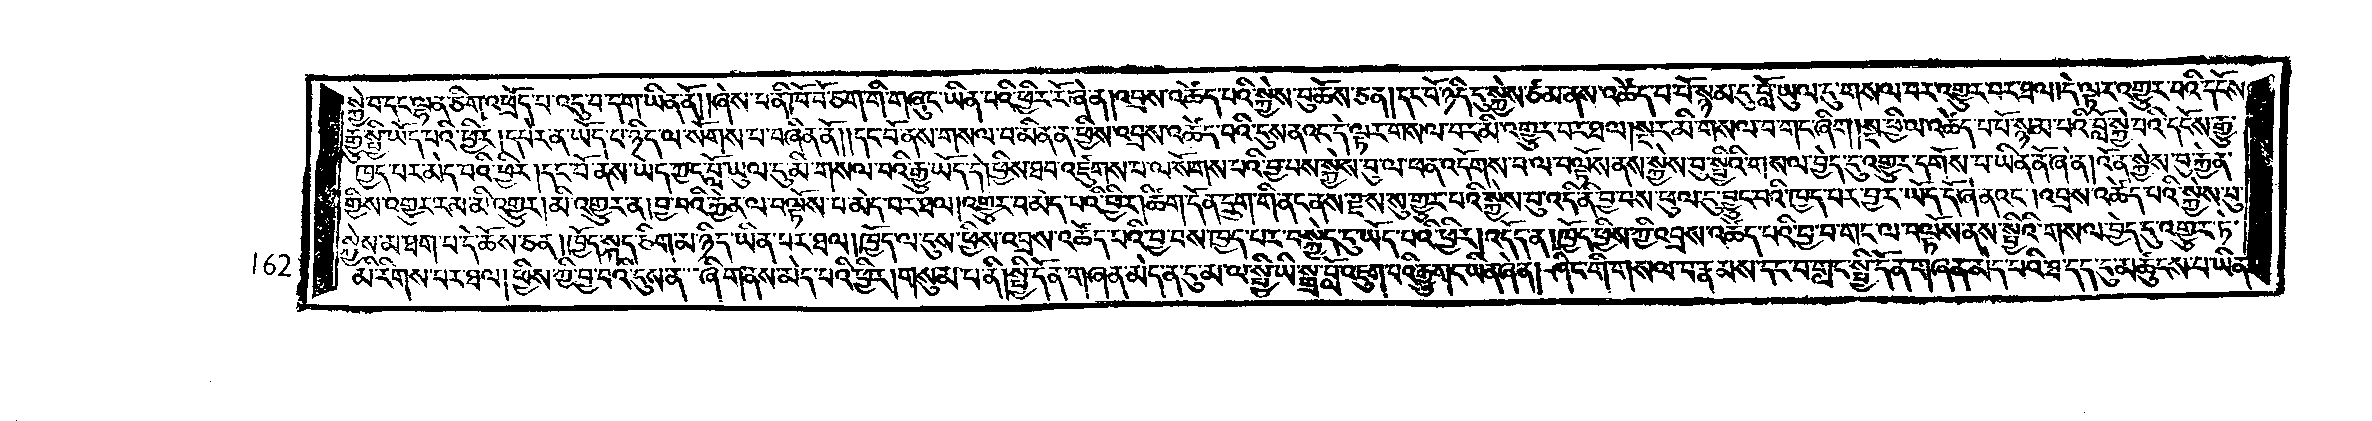སྐྱེ་བ་དང་ལྷན་ཅིག་འཕྲོད་པ་འདུ་བ་དག་ཡིན་ནོ། །ཞེས་པ་ནི་ཁོ་བོ་ཅག་གི་གཞུང་ཡིན་པའི་ཕྱིར་རོ་ཞེ་ན། འབྲས་འཚེད་པའི་སྐྱེས་བུ་ཆོས་ཅན། དང་པོ་ཉིད་དུ་སྐྱེས་ཙམ་ནས་འཚེད་པ་པོ་སྙམ་དུ་བློ་ཡུལ་དུ་གསལ་བར་འགྱུར་བར་ཐལ། དེ་ལྟར་འགྱུར་བའི་དངོས་
རྒྱུ་སྤྱི་ཡོད་པའི་ཕྱིར། དཔེར་ན་ཡོད་པ་ཉིད་ལ་སོགས་པ་བཞིན་ནོ། །དང་པོ་ནས་གསལ་བ་མིན་ན་ཕྱིས་འབྲས་འཚེད་པའི་དུས་ནའང་དེ་ལྟར་གསལ་བར་མི་འགྱུར་བར་ཐལ། སྔར་མི་གསལ་བ་གང་ཞིག །སྔ་ཕྱི་ལ་འཚེད་པ་པོ་སྙམ་པའི་བློ་སྐྱེ་བའི་དངོས་རྒྱུ་
ཁྱད་པར་མེད་པའི་ཕྱིར། དང་པོ་ནས་ཡོད་ཀྱང་བློ་ཡུལ་དུ་མི་གསལ་བའི་རྒྱུ་ཡོད་དེ། ཕྱིས་ཐབ་འཛུགས་པ་ལ་སོགས་པའི་བྱ་བས་སྐྱེས་བུ་ལ་ཕན་འདོགས་བ་ལ་བལྟོས་ནས་སྐྱེས་བུ་སྤྱིའི་གསལ་བྱེད་དུ་འགྱུར་དགོས་པ་ཡིན་ནོ་ཞེ་ན། འོ་ན་སྐྱེས་བུ་རྐྱེན་
གྱིས་འགྱུར་རམ་མི་འགྱུར། མི་འགྱུར་ན། བྱ་བའི་རྐྱེན་ལ་བལྟོས་པ་མེད་པར་ཐལ། འགྱུར་བ་མེད་པའི་ཕྱིར། ཚིག་དོན་དྲུག་གི་ནང་ནས་རྫས་སུ་གྱུར་པའི་སྐྱེས་བུ་འདི་ནི་བྱ་བས་ཕུལ་དུ་བྱུང་བའི་ཁྱད་པར་བྱར་ཡོད་དོ་ཞེ་ནའང་། འབྲས་འཚེད་པའི་སྐྱེས་བུ་
སྐྱེས་མ་ཐག་པ་དེ་ཆོས་ཅན། ཁྱོད་སྐད་ཅིག་མ་ཉིད་ཡིན་པར་ཐལ། ཁྱོད་ལ་དུས་ཕྱིས་འབྲས་འཚེད་པའི་བྱ་བས་ཁྱད་པར་བསྐྱེད་དུ་ཡོད་པའི་ཕྱིར། འདོད་ན། ཁྱོད་ཕྱིས་ཀྱི་འབྲས་འཚེད་པའི་བྱ་བ་གང་ལ་བལྟོས་ནས་སྤྱིའི་གསལ་བྱེད་དུ་འགྱུར་ཏེ་
མི་རིགས་པར་ཐལ། ཕྱིས་ཀྱི་བྱ་བའི་དུས་ན་ཞིག་ནས་མེད་པའི་ཕྱིར། གསུམ་པ་ནི། སྤྱི་དོན་གཞན་མེད་ན་དུ་མ་ལ་སྤྱི་ཡི་སྒྲ་བློ་འཇུག་པའི་རྒྱུ་གང་ཡིན་ཞེ་ན། ཤིང་གི་གསལ་བ་རྣམས་དང་བ་གླང་སྤྱི་དོན་གཞན་མེད་པའི་ཐ་དད་དུ་མཚུངས་པ་ཡིན་